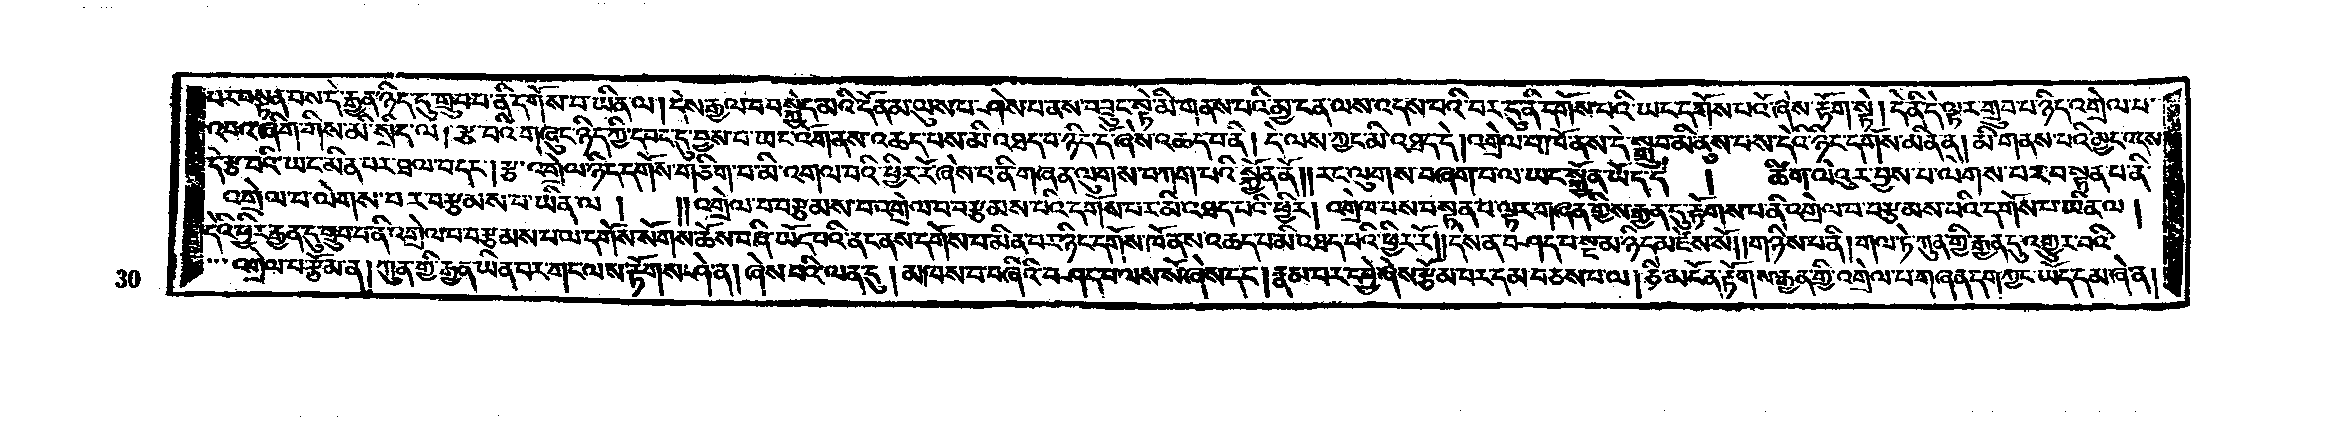པར་བསྟན་པས་དེ་རྒྱན་ཉིད་དུ་གྲུབ་པ་ནི་དགོས་པ་ཡིན་ལ། དེས་རྒྱལ་བ་བསྐྱེད་མའི་དོན་མ་ལུས་པ་ཤེས་པ་ནས་བཟུང་སྟེ་མི་གནས་པའི་མྱ་ངན་ལས་འདས་པའི་བར་དུ་ནི་དགོས་པའི་ཡང་དགོས་པའོ་ཞེས་རྟོག་སྟེ། དེ་ནི་དེ་ལྟར་གྲུབ་པ་ཉིད་འགྲེལ་པ་
འབའ་ཞིག་གིས་མི་སྲིད་ལ། རྩ་བའི་གཞུང་ཉིད་ཀྱི་དབང་དུ་བྱས་པ་ཡང་འོག་ནས་འཆད་པས་མི་འཐད་པ་ཉིད་དོ་ཞེས་འཆད་པ་ནི། དེ་ལས་ཀྱང་མི་འཐད་དེ། འགྲེལ་པ་ཁོ་ནས་དེ་སྒྲུབ་མི་ནུས་པས་དེའི་ཉིང་དགོས་མིན་ན། མི་གནས་པའི་མྱང་འདས་
དེ་རྩ་བའི་ཡང་མིན་པར་ཐལ་བ་དང་། རྩ་འགྲེལ་ཉིང་དགོས་གཅིག་པ་མི་འགལ་བའི་ཕྱིར་རོ་ཞེས་པ་ནི་གཞན་ལུགས་བཀག་པའི་སྐྱོན་ནོ། །རང་ལུགས་བཞག་པ་ལ་ཡང་སྐྱོན་ཡོད་དེ། ཚིག་ལེའུར་བྱས་པ་ལེགས་པར་བསྟན་པ་ནི་
འགྲེལ་པ་ལེགས་པར་བརྩམས་པ་ཡིན་ལ། །།འགྲེལ་པ་བརྩམས་པ་འགྲེལ་པ་བརྩམས་པའི་དགོས་པར་མི་འཐད་པའི་ཕྱིར། འགྲེལ་པས་བསྟན་པ་ལྟར་གཞན་གྱིས་རྒྱན་དུ་རྟོགས་པ་ནི་འགྲེལ་པ་བརྩམས་པའི་དགོས་པ་ཡིན་ལ།
དེའི་ཕྱིར་རྒྱན་དུ་གྲུབ་པ་ནི་འགྲེལ་པ་བརྩམས་པ་ལ་དགོས་སོགས་ཆོས་བཞི་ཡོད་པའི་ནང་ནས་དགོས་པ་མིན་པར་ཉིང་དགོས་ཁོ་ནས་འཆད་པ་མི་འཐད་པའི་ཕྱིར་རོ། །དེས་ན་བཤད་པ་སྔ་མ་ཉིད་མཛེས་སོ། །གཉིས་པ་ནི། གལ་ཏེ་ཀུན་གྱི་རྒྱན་དུ་འགྱུར་བའི་
འགྲེལ་པ་རྩོམ་ན། ཀུན་གྱི་རྒྱན་ཡིན་པར་གང་ལས་རྟོགས་ཤེ་ན། ཞེས་པའི་ལན་དུ། མཁས་པ་བཞིའི་བཤད་པ་ལས་སོ་ཞེས་དང་། རྣམ་པར་དབྱེ་ཞེས་རྩོམ་པར་དམ་བཅས་པ་ལ། ཅི་མངོན་རྟོགས་རྒྱན་གྱི་འགྲེལ་པ་གཞན་དག་ཀྱང་ཡོད་དམ་ཞེ་ན།